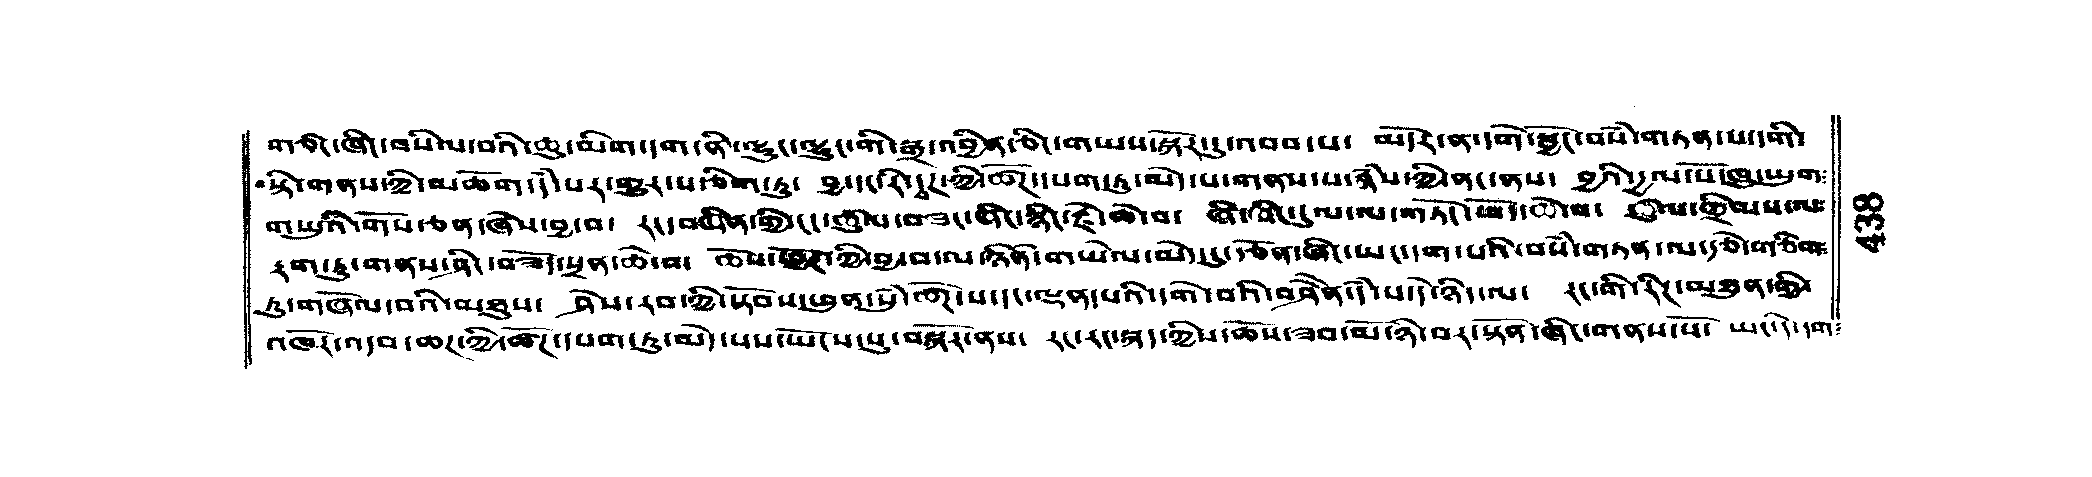ཞིང་བསིལ་བའི་ཆུ་མིག་དག་ནི་ལྷུང་ལྷུང་གི་སྒྲ་འབྱིན་ཞིང་གཡས་སྐོར་དུ་འབབ་པ། མདོར་ན་དགེ་སྦྱོང་བསམ་གཏན་པ་དག་གི་
བསྟི་གནས་ཀྱི་མཆོག་དམ་པར་གྱུར་པ་ཞིག་ཏུ། བྱ་དང་རི་དྭགས་ཀྱི་ཚོགས་དཔག་ཏུ་མེད་པ་གནས་པ་རྣམས་ཀྱི་ནང་ནས། བྱའི་རྒྱལ་པོ་ཁུ་བྱུག་
གཡུའི་གོས་ཅན་ཞེས་བྱ་བ། རང་བཞིན་གྱི་ངང་ཚུལ་བཟང་ཞིང་སྙིང་རྗེ་ཆེ་བ། ཞི་ཞིང་དུལ་ལ་གཏོང་ཕོད་ཆེ་བ། ཚུལ་ཁྲིམས་ལ་
རྟག་ཏུ་གནས་ཤིང་བཟོད་སྲན་ཆེ་བ། ཆོས་ཕྱོགས་ཀྱི་བྱ་བ་ལ་ཉིན་མཚན་གཡེལ་མེད་དུ་རྩོན་ཞིང་ཡང་དག་པའི་བསམ་གཏན་ལ་རྩེ་གཅིག་
ཏུ་གཞོལ་བའི་མཐུས།ཤེས་རབ་ཀྱི་སྟོབས་ཕུན་སུམ་ཚོགས་པ་དང་ལྡན་པའི་དགེ་བའི་བཤེས་གཉེན་དམ་པ་དེ་ཉིད་ལ། རང་གི་རིགས་ཐུན་གྱི་
འཁོར་འདབ་ཆགས་ཀྱི་ཚོགས་དཔག་ཏུ་མེད་པས་ཡོངས་སུ་བསྐོར་ནས། རང་རང་སྐད་ཀྱིས་ཆོས་ཟབ་མོ་ཉེ་བར་སྟོན་ཞིང་གནས་སོ། ཡང་དེ་དག་